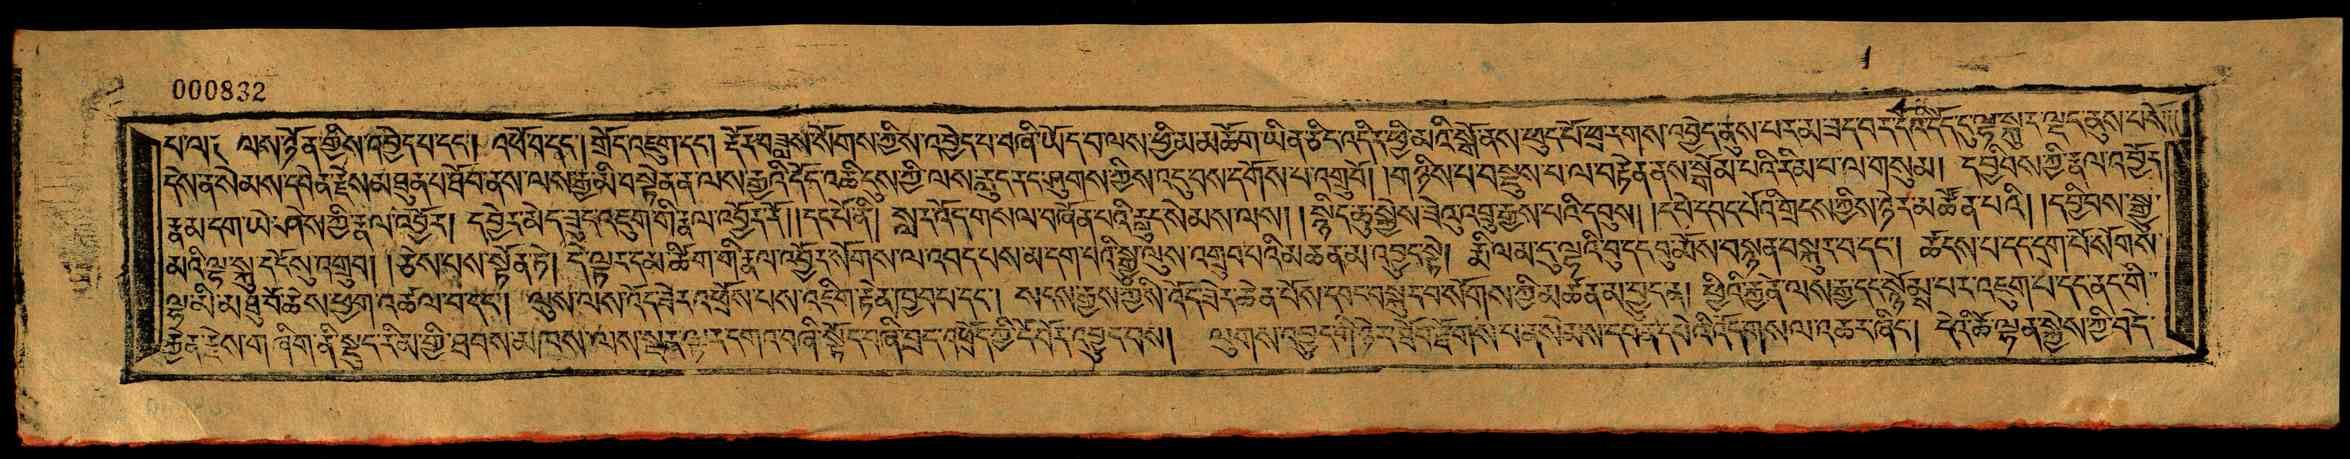བ་ལ༑ ལས་ཉོན་གྱིས་འབྱེད་པ་དང་། འཕོ་བ་དང་། གྲོང་འཇུག་དང་། རྡོར་བཟླས་སོགས་ཀྱིས་འབྱེད་པ་བཞི་ཡོད་པ་ལས་ཕྱི་མ་མཆོག་ཡིན་ཅིང་འདིར་ཕྱི་མའི་སྒོ་ནས་ཕུང་པོ་ཕྲ་རགས་འབྱེད་ནུས་པར་མ་ཟད་བར་དེའི་དོད་དུ་ལྷ་སྐུར་ལྡང་ནུས་པས་སོ། །
དེས་ན་སེམས་དབེན་རྗེས་མཐུན་པ་ཐོབ་ནས་ལས་རྒྱ་མི་བསྟེན་ན་ལས་རྒྱའི་དོད་འཆི་དུས་ཀྱི་ལས་རླུང་རང་ཤུགས་ཀྱིས་འདུ་བས་དགོས་པ་འགྲུབ་བོ། །གཉིས་པ་བསྡུས་པ་ལ་བརྟེན་ནས་སྒོམ་པའི་རིམ་པ་ལ་གསུམ། དབྱིབས་ཀྱི་རྣལ་འབྱོར།
རྣམ་དག་ཡེ་ཤེས་ཀྱི་རྣལ་འབྱོར། དབྱེར་མེད་ཟུང་འཇུག་གི་རྣལ་འབྱོར་རོ། །དང་པོ་ནི། སླར་འོད་གསལ་བཞོན་པའི་རླུང་སེམས་ལས། །སྙིང་ཆུ་སྐྱེས་ཟེའུ་འབྲུ་རྒྱས་པའི་དབུས། །དཔེ་དབང་པོའི་གྲངས་ཀྱིས་ཉེར་མཚོན་པའི། །དབྱིབས་སྒྱུ་
མའི་ལྷ་སྐུ་དངོས་སུ་འགྲུབ། །ཅེས་པས་སྟོན་ཏེ། དེ་ལྟར་དམ་ཚིག་གི་རྣལ་འབྱོར་སོགས་ལ་འབད་པས་མ་དག་པའི་སྒྱུ་ལུས་འགྲུབ་པའི་མཚན་མ་འབྱུང་སྟེ། རྨི་ལམ་དུ་ལྷའི་བུ་དང་བུ་མོས་བསྙེན་བསྐུར་བ་དང་། ཚངས་པ་དང་དྲག་པོ་སོགས་
ལྷ་མིན་ཐུ་བོ་ཆེས་ཕྱག་འཚལ་བ་དང་། ལུས་ལས་འོད་ཟེར་འཕྲོས་པས་འཇིག་རྟེན་ཁྱབ་པ་དང་། སངས་རྒྱས་ཀྱིས་འོད་ཟེར་ཆེན་པོས་དབང་བསྐུར་བ་སོགས་ཀྱི་མཚན་མ་བྱུང་ན། ཕྱིའི་རྐྱེན་ལས་རྒྱ་དང་སྙོམས་པར་འཇུག་པ་དང་ནང་གི་
རྐྱེན་རྗེས་གཞིག་ན་སྡུད་རིམ་གྱི་ཐབས་མཁས་ལས་སྔར་ལྟར་དགའ་བཞི་སྟོང་བཞི་བྲང་འཕྲོད་ཀྱི་ངོ་བོར་འབྱུང་བས། ལུགས་འབྱུང་གི་ཉེར་ཐོབ་རྫོགས་པ་ན་སེམས་དབེན་དཔེའི་འོད་གསལ་འཆར་ཞིང་། དེའི་ཚེ་ལྷན་སྐྱེས་ཀྱི་བདེ་